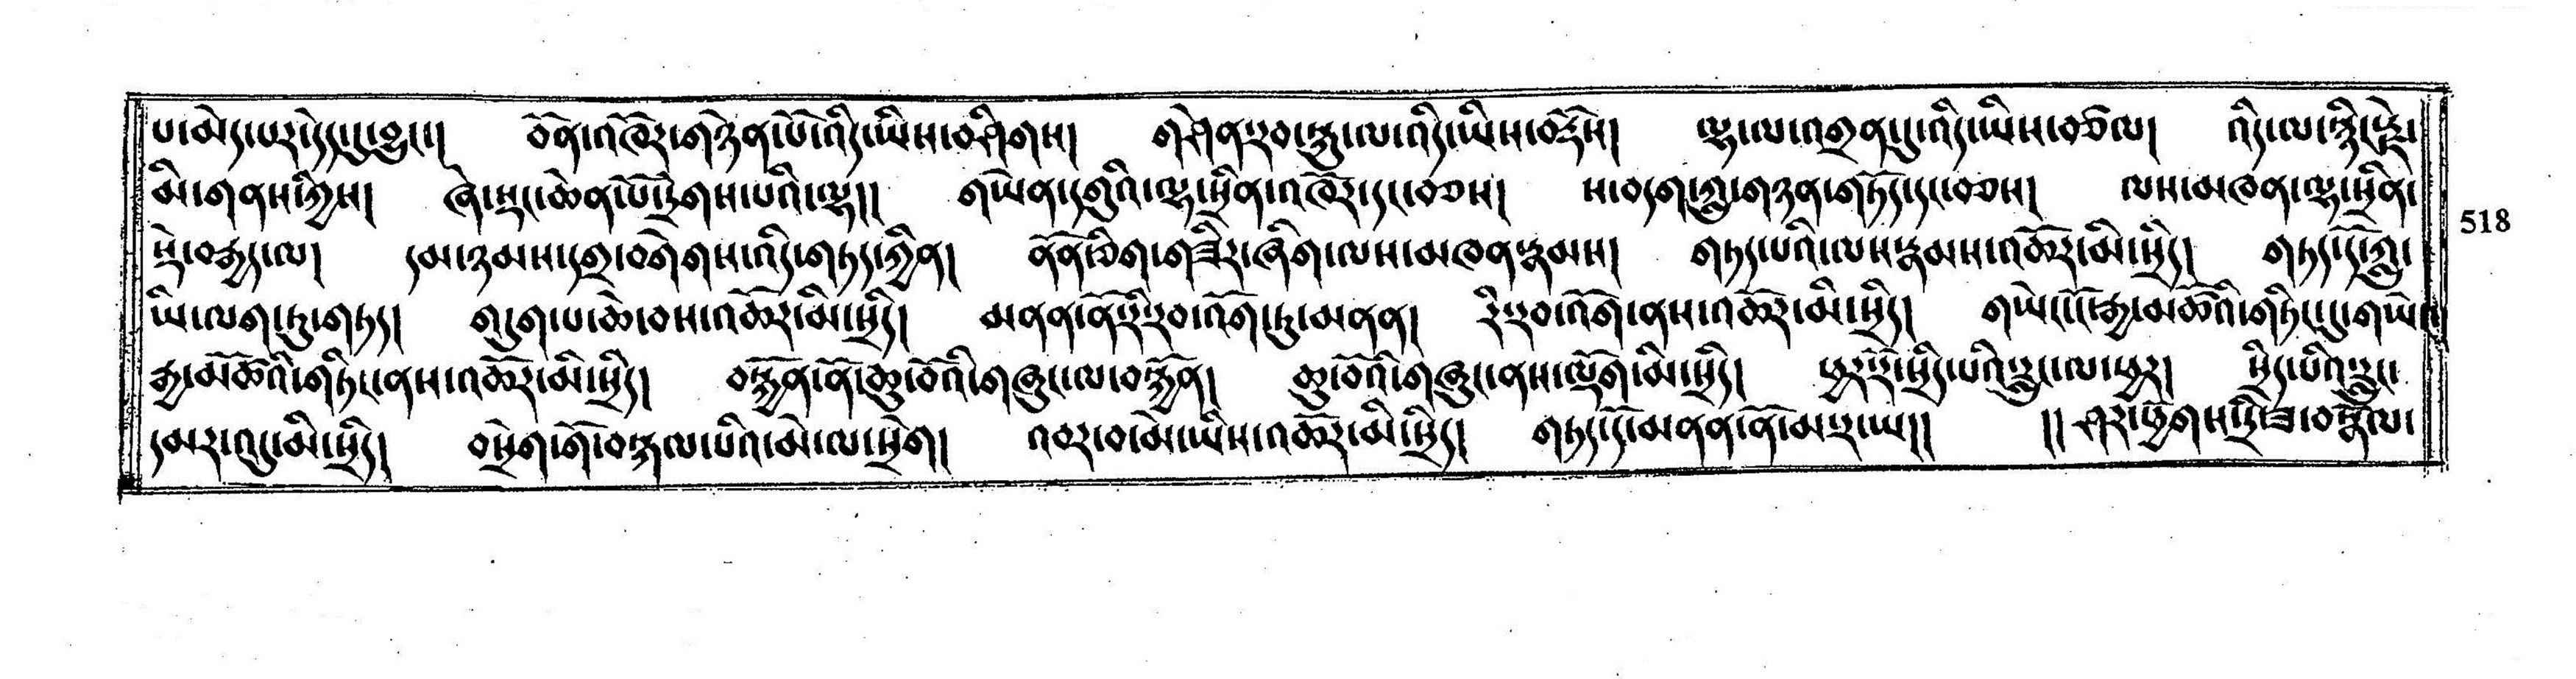པ་མེད་པར་དེད་དུ་བྱུང་། བོན་འཁོར་གཉེན་པོ་འདི་ཡིས་བཤིགས། གཤེན་རབ་སྐུ་ལ་འདི་ཡིས་བརྡོས། ལྷ་ལ་འགྲན་དུ་འདི་ཡིས་བཙལ། འདི་ལ་སྙིང་རྗེ་
མི་གནས་ཀྱིས། ཞེ་སྡང་ཆེན་པོ་དྲེགས་པའི་ལྷ།། གཡེན་དགུའི་ལྷ་སྲིན་འཁོར་དང་བཅས། ས་བདག་ཀླུ་གཉན་གཏོད་དང་བཅས། ལས་མཁན་ལྷ་སྲིན་
སྡེ་བརྒྱད་ལ། དམ་ཉམས་དགྲ་བགེགས་འདི་གཏད་ཀྱིན། ནོན་ཅིག་གཟིར་ཞིག་ལས་མཁན་རྣམས། གཏད་པའི་ལས་རྣམས་འཆོར་མི་སྲིད། གཏད་དོ་ཀླུ་
ཡི་ལག་ཏུ་གཏད། གདུག་པ་ཆེ་བས་འཆོར་མི་སྲིད། མནན་ནོ་རི་རབ་འོག་ཏུ་མནན། རི་རབ་འོག་ནས་འཆོར་མི་སྲིད། གཡེང་ངོ་རྒྱ་མཚོའི་གཏིང་དུ་གཡེང་། 
རྒྱ་མཚོའི་གཏིང་ནས་འཆོར་མི་སྲིད། བསྐྱོན་ནོ་ཆུ་བོའི་གཞུང་ལ་བསྐྱོན། ཆུ་བོའི་གཞུང་ནས་ལྡོག་མི་སྲིད། ཕྱར་རོ་སྲིད་པའི་རླུང་ལ་ཕྱར། སྲིད་པའི་{534}རླུང་
དམར་འདུ་མི་སྲིད། བསྲེག་གོ་བསྐལ་པའི་མེ་ལ་སྲེག འབར་བ་མེ་ཡིས་འཆོར་མི་སྲིད། གཏད་དོ་མནན་ནོ་མ་ར་ཡ།། །།ཤར་ཕྱོགས་དྲི་ཟ་བསྣོལ་